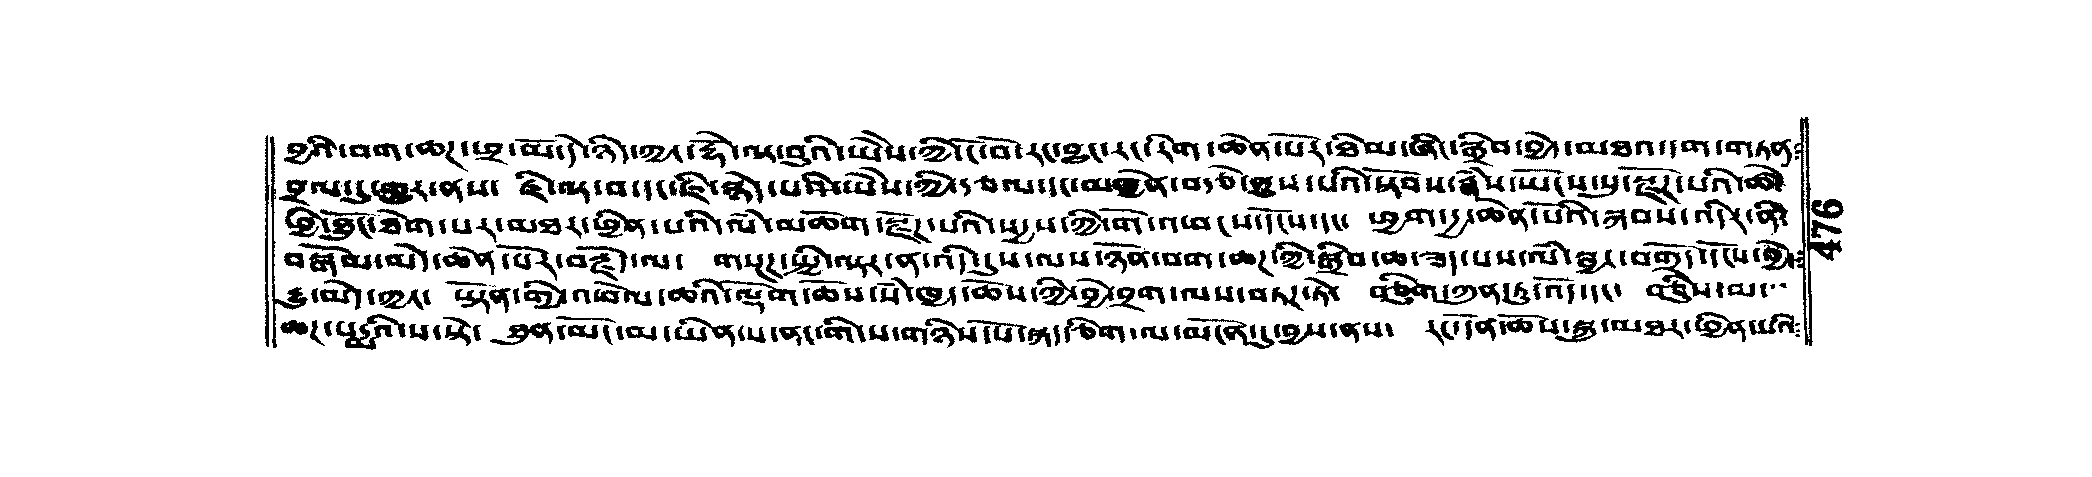བྱའི་བག་ཆགས་ཕྲ་མོ་དེ་ཉིད་ཀྱང་རྡོ་རྗེ་ལྟ་བུའི་ཡེ་ཤེས་ཀྱི་ངོ་བོ་རང་བྱུང་རང་རིག་ཆེན་པོར་ཐིམ་ཞིང་སྒྲིབ་བྱེད་མཐའ་དག་གཏན་
བྲལ་དུ་གྱུར་ནས། ཇི་ལྟ་བ་དང་ཇི་སྙེད་པའི་ཡེ་ཤེས་ཀྱི་རྩལ་དང་མཁྱེན་བརྩེ་ནུས་པའི་སྟོབས་རྣམས་ཡོངས་སུ་རྫོགས་པའི་ཚེ་
ཕྱི་ཐུན་མོང་ཐེག་པར་མཐར་ཕྱིན་པའི་ལམ་མཆོག་རྫོགས་པའི་སངས་རྒྱས་ཀྱི་གོ་འཕང་དངོས་དང་། ཕྱག་རྒྱ་ཆེན་པོའི་སྐབས་འདིར་ནི་
བསྒོམ་མེད་ཆེན་པོར་བརྗོད་ལ། གསང་སྔགས་སྤྱི་ལྟར་ན་འདི་དུས་ལས་ཉོན་བག་ཆགས་ཀྱི་སྒྲིབ་ཆ་ཟད་པས་ལམ་སྦྱང་བགྲོད་དངོས་བྱེད་
རྒྱུ་མེད་ཀྱང་། ཡོན་ཏན་གྱི་འཕེལ་ཆའི་ལྡོག་ཆོས་སམ་ཁྱད་ཆོས་ཀྱི་བྱེ་བྲག་ལས་བཏགས་ཏེ། བཅུ་གཅིག་ཀུན་ཏུ་འོད་དང་། བཅུ་གཉིས་མ་
ཆགས་པདྨའི་ས་སྟེ། ཐུན་མོང་མ་ཡིན་པ་ནང་གི་ས་གཉིས་པོ་སྐད་ཅིག་ལ་མངོན་དུ་བྱས་ནས། རང་དོན་ཆོས་སྐུ་མཐར་ཕྱིན་པའི་